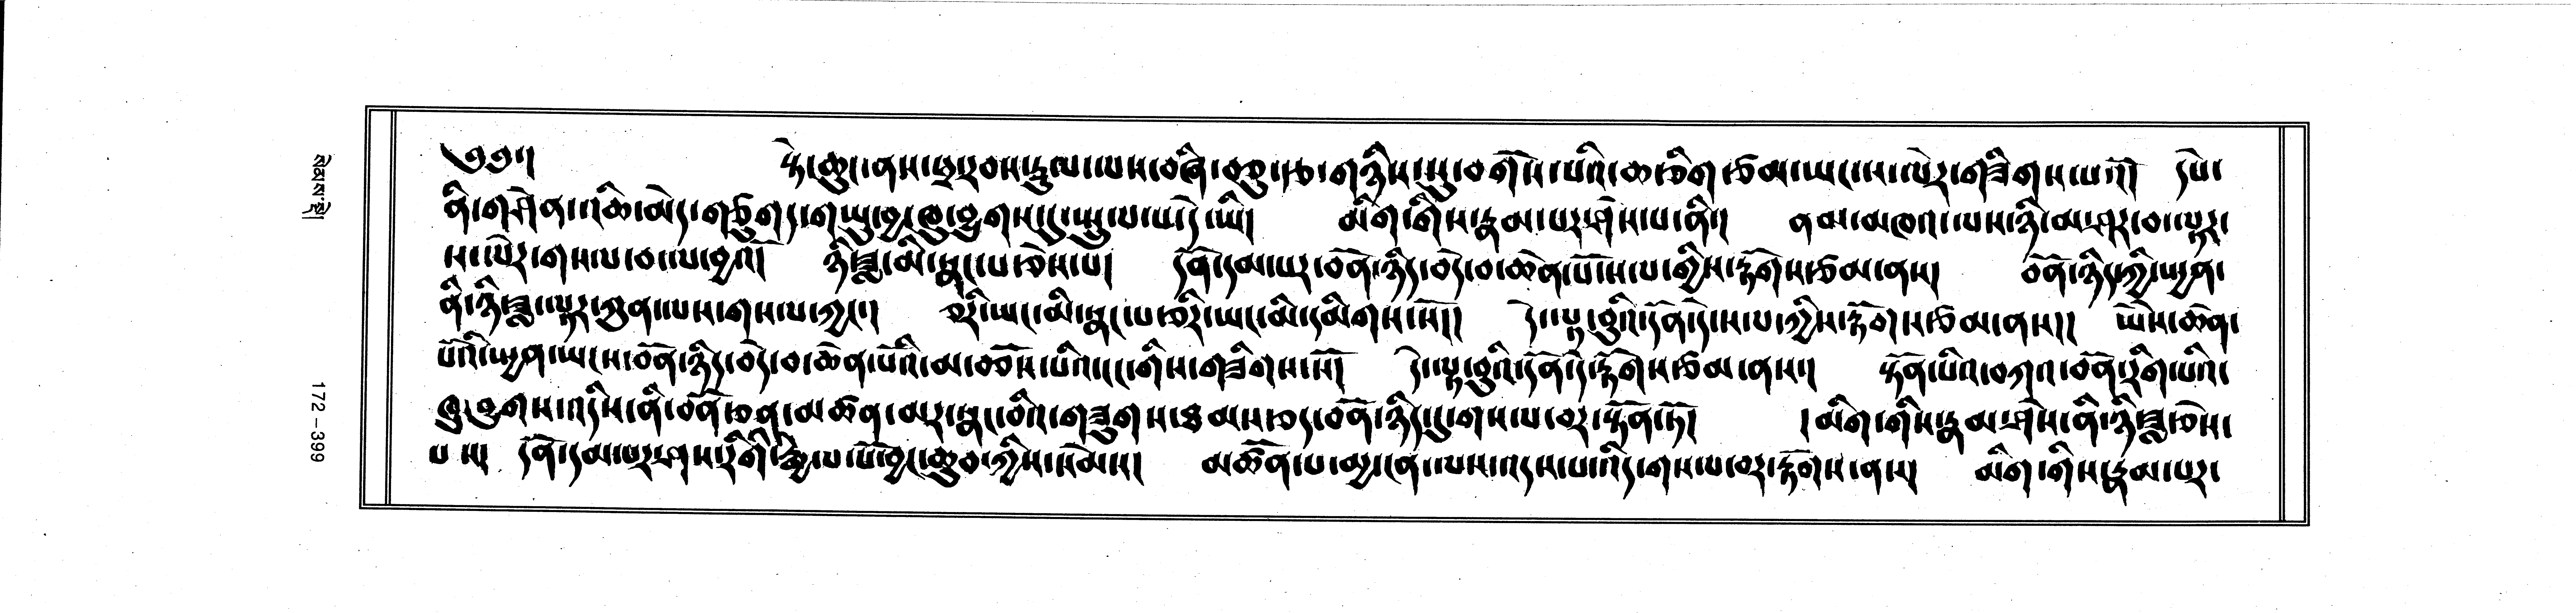སྟེ་ཆུང་ནས་ཕྲ་རབས་རྡུལ་ལས་བཞི་བཅུ་རྩ་གཉིས་སུ་བགོས་པའི་ཆ་ཅིག་ཙམ་ཡམ་ས་ལེར་གཟིགས་པའོ། དཔེ་
ནི་གཤེན་འཆི་མེད་གཙུག་ཕུད་གཡུ་བྱ་ཁུ་བྱུག་དུ་སྤྲུལ་པ་དེ་ཡི། མིག་གིས་རྣམ་པར་ཤེས་པ་ནི། ནམ་མཁའ་ལས་ཉི་མ་ཤར་བ་ལྟར་
ས་ལེར་གསལ་བ་ལ་བྱའོ། ཉི་ཟླ་མི་སྣང་པ་ཅེས་པ། དོན་དམ་པར་བོན་ཉིད་བདེ་བ་ཆེན་པོ་སལ་གྱིས་རྟོགས་ཙམ་ནས། བོན་ཉིད་ཀྱི་སྤྱན་
ནི་ཉི་ཟླ་ལྟར་ཀུན་ལས་གསལ་ཀྱང་། ཅིར་ཡང་མི་སྣང་པ་ཅིར་ཡང་མི་དམིགས་སོ། དེ་ལྟ་བུའི་དོན་དེ་སལ་ཀྱིས་རྟོགས་ཙམ་ནས། ཡེ་ཤེས་ཆེན་
པོའི་སྤྱན་ཡང་བོན་ཉིད་བདེ་བ་ཆེན་པོའི་མ་བཅོས་པའི་ངང་གིས་གཟིགས་སོ། དེ་ལྟ་བུའི་དོན་དེ་རྟོགས་ཙམ་ནས། སྟོན་པའི་བཀའ་བོན་རིག་པའི་
ཁུ་བྱུག་འདིས་ནི་བོན་ཅན་མཚན་མར་སྣང་བའི་གཟུགས་ཐམས་ཅད་བོན་ཉིད་དུ་གསལ་བར་སྟོན་ཏོ། མིག་གིས་རྣམ་ཤེས་ནི་ཉི་ཟླ་ཅེས་
པས། དོན་དམ་པར་ཤེས་རིག་གི་རྒྱལ་པོ་བྱང་ཆུབ་ཀྱིས་སེམས། མཚོན་པ་མྱ་ངན་ལས་འདས་པ་འདི་གསལ་བར་རྟོགས་པས། མིག་གིས་རྣམ་པར་